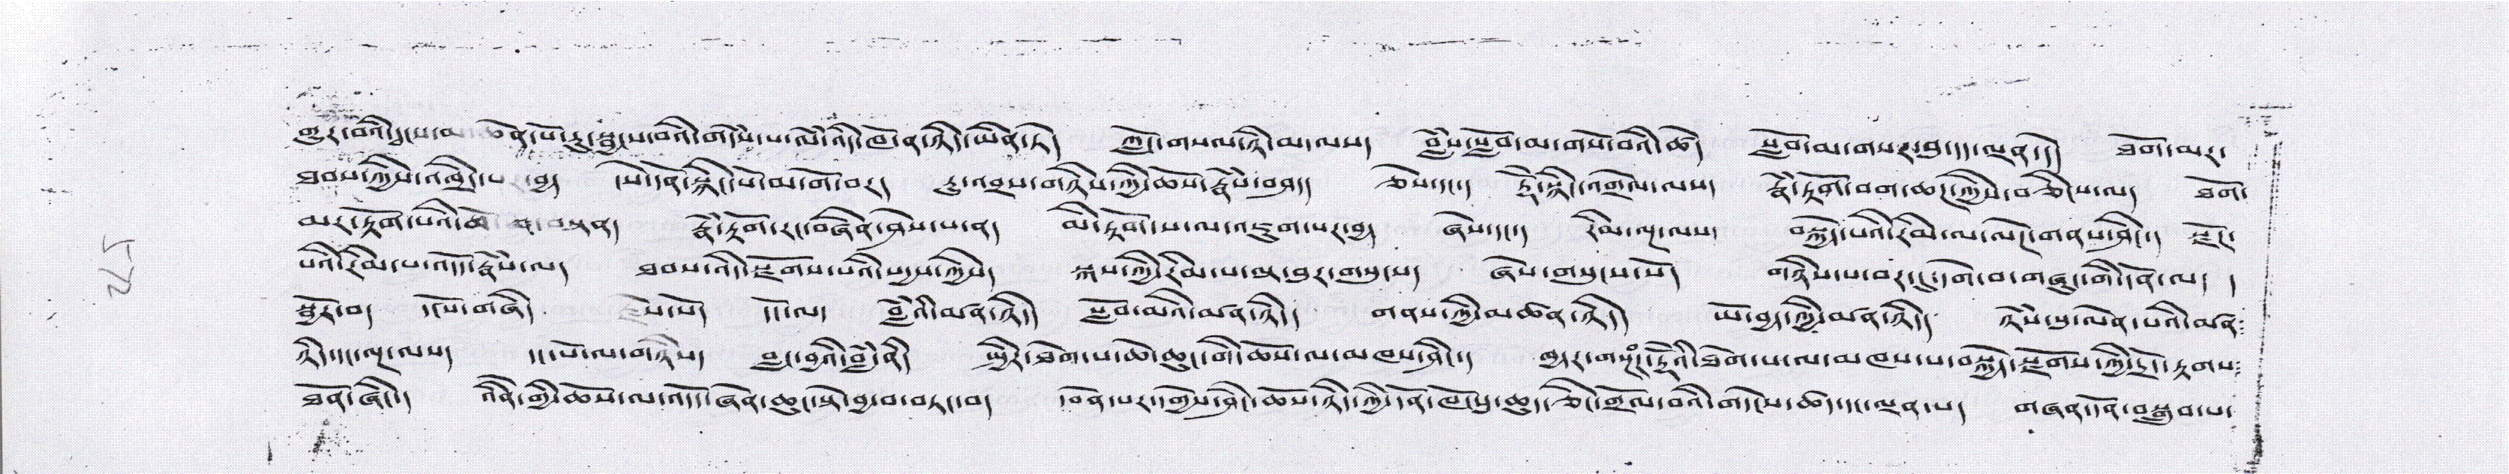གྱུར་པའི་དྭངས་མ་ཆེན་པོ་རུ་སྦྱངས་པའི་གདམས་པ་ལམ་འདི་ཁོ་ན་ཉིད་ཡིན་ཏེ། ཀློང་གསལ་ཉི་མ་ལས། བླ་མས་སློབ་མ་གསོ་བའི་ཚེ། །སློབ་མ་གསར་བུ་དད་ལྡན་དེ། །ཐོག་མར་
ཐབས་ཀྱིས་འཁྲིད་པར་བྱ། །དཔེ་དོན་སྙིང་པོ་མ་གོ་བར། །རྒྱུ་འབྲས་གཉིས་ཀྱི་ཆོས་རྣམས་བཤད། །ཅེས་དང་། རྡོ་རྗེ་སྙིང་འགྲེལ་ལས། རྣམ་རྟོག་བག་ཆགས་ཀྱིས་བཅིང་ལ། །ཐོག་
མར་རྟོག་པའི་ཆོ་ག་བསྟན། །རྣམ་རྟོག་རང་བཞིན་ཤེས་པ་ན། །མི་རྟོག་པ་ལ་འཇུག་པར་བྱ། །ཞེས་དང་། རིམ་ལྔ་ལས། བསྐྱེད་པའི་རིམ་ལ་ལེགས་གནས་ཤིང་། །རྫོགས་
པའི་རིམ་པ་འདོད་རྣམས་ལ། །ཐབས་འདི་རྫོགས་པའི་སངས་རྒྱས་ཀྱིས། །སྐས་ཀྱི་རིམ་པ་ལྟ་བུར་གསུངས། །ཞེས་གསུངས་སོ། །གཉིས་པ་བར་དུ་དགེ་བ་གཞུང་གི་དོན་ལ། 
སྦྱོར་བ། དངོས་གཞི། རྗེས་སོ། །དང་པོ་ལ་བླ་མའི་མཚན་ཉིད། སློབ་མའི་མཚན་ཉིད། གནས་ཀྱི་མཚན་ཉིད། ཡོ་བྱད་ཀྱི་མཚན་ཉིད། ཉམས་སུ་ལེན་པའི་མཚན་
ཉིད་དང་ལྔ་ལས། དང་པོ་ལ་གཉིས། བླང་བྱའི་བླ་མ་ནི། སྤྱིར་ཐེག་པ་ཆེ་ཆུང་གི་ཆོས་ལ་མཁས་ཤིང་། ཁྱད་པར་གསང་སྔགས་རྡོ་རྗེ་ཐེག་པ་ལ་མཁས་པ་བསྐྱེད་རྫོགས་ཀྱི་དྲོད་རྟགས་
ཐོན་ཞིང་། འཇིག་རྟེན་གྱི་ཆོས་ལ་འདོད་ཞེན་ཆུང་སྟེ་བྱ་བ་བཏང་བ། དབེན་པར་དགྱེས་ཤིང་ཆོས་ཉིད་ཀྱི་དོན་ཁོངས་སུ་ཆུད་ཅིང་གྲོལ་བའི་གདེང་ཚད་དང་ལྡན་པ། གཞན་དོན་བསྒྲུབ་པ་